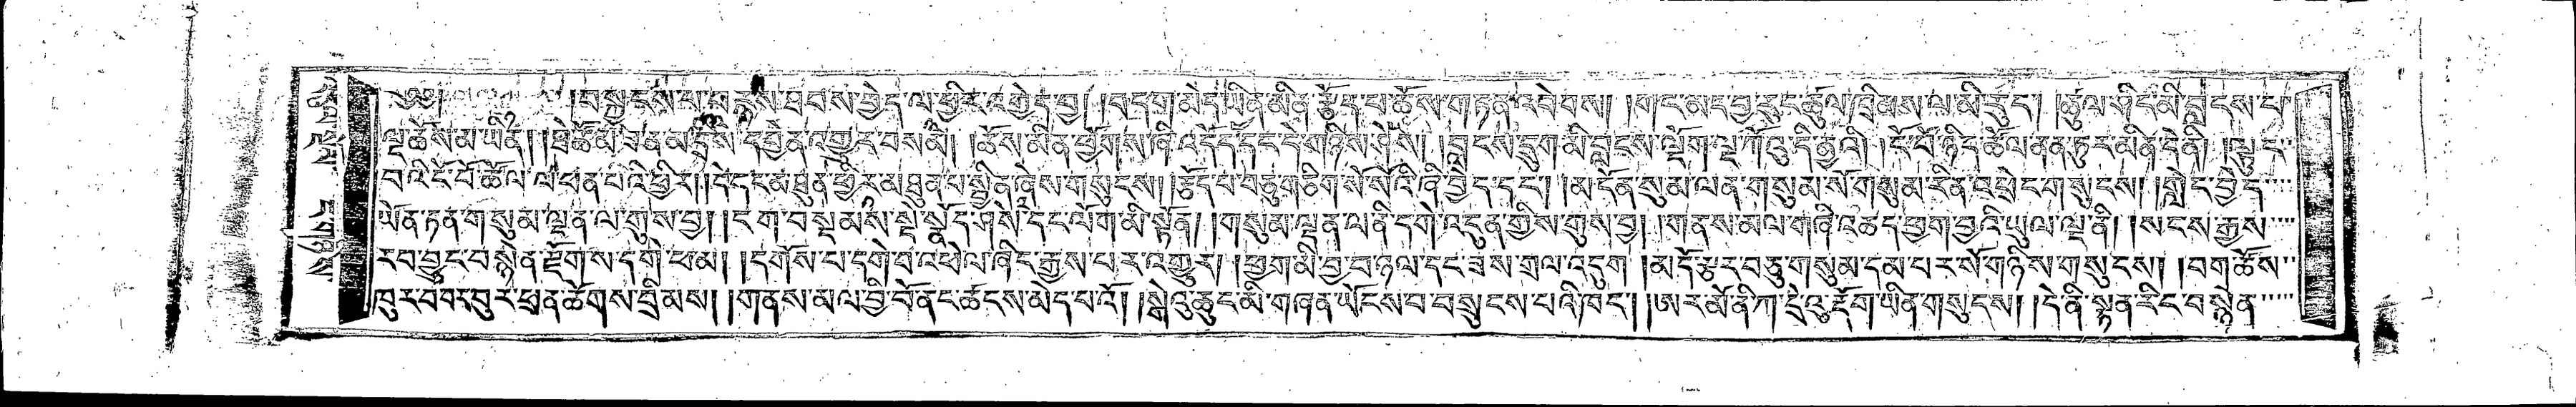༄༅། །བསྐྱངས་པ་བརྙས་ཐབས་བྱེད་ལ་ཕྱིར་འགྱེད་བྱ། །བདག་མེད་ཡིན་མིན་རྩོད་པ་ཆོས་གཏན་འབེབས། །གང་མང་བྱ་རུང་ཚུལ་ཁྲིམས་ལ་མི་རུང་། །ཚུལ་ཤིང་མི་བླངས་པ་
ལྔ་ཆོས་མ་ཡིན། །ཐེ་ཚོམ་ཟ་ན་མ་དྲིས་དབྱེན་འགྱུར་བསམ ༣། །ཆོས་མིན་ཕྱོགས་ཞི་འདོད་དང་དེ་གཉིས་ཤེས། །བླངས་དྲུག་མི་བླངས་ལྡོག་ལྔ་ཀོའུ་དི་ནྱའི། །ངོ་བོ་ཉིད་ཚོལ་ནན་ཏུར་མིན་དེ་ནི། །ལྟུང་
བའི་ངོ་བོ་ཚོལ་ལ་ཕན་པའི་ཕྱིར། །དེ་དང་མཐུན་ཕྱིར་མཐུན་པ་སྦྱིན་ཞེས་གསུངས། །རྩོད་པ་བཅུ་གཅིག་སོ་སོའི་ཞི་བྱེད་དང་། །མངོན་སུམ་ལན་གསུམ་སོ་གསུམ་རིན་འཕྲེང་གསུངས། །གླེང་བྱེད་
ཡོན་ཏན་གསུམ་ལྡན་ལ་གུས་བྱ། །ངག་བསྔམས༣་སྡེ་སྣོད་ཤེས་དང་ལོག་མི་སྟོན། །གསུམ་ལྡན་ལ་ནི་དགེ་འདུན་གྱིས་གུས་བྱ། །གནས་མལ་གཞི་འཆད་ཕྱག་བྱའི་ཡུལ་ལྔ་ནི། །སངས་རྒྱས་
རབ་བྱུང་བསྙེན་རྫོགས་དགེ་ཕ་མ། །དགོས་པ་དགེ་བ་འཕེལ་ཞིང་རྒྱས་པར་འགྱུར། །ཕྱག་མི་བྱ་བ་ཉལ་དང་ཟས་གྲལ་འདུག །མདོར་རྩར་བཅུ་གསུམ་དམ་པར་སོ་གཉིས་གསུངས། །བག་ཚོས་
ཁུར་བ་བར་བུར་ཕྲན་ཆོགས་བྲིམས། །གནས་མལ་བྱི་བོ་ནང་ཚངས་མེད་པའོ། །སྒེའུ་ཆུང་མི་གཞན་ཡོངས་བ་བསྲུངས་པའི་ཁང་། །ཨར་མོ་ནི་ཀ་དྲེ་འུ་རྡོག་ཡིན་གསུངས། །དེ་ནི་སྟན་རིང་བསྙེན་